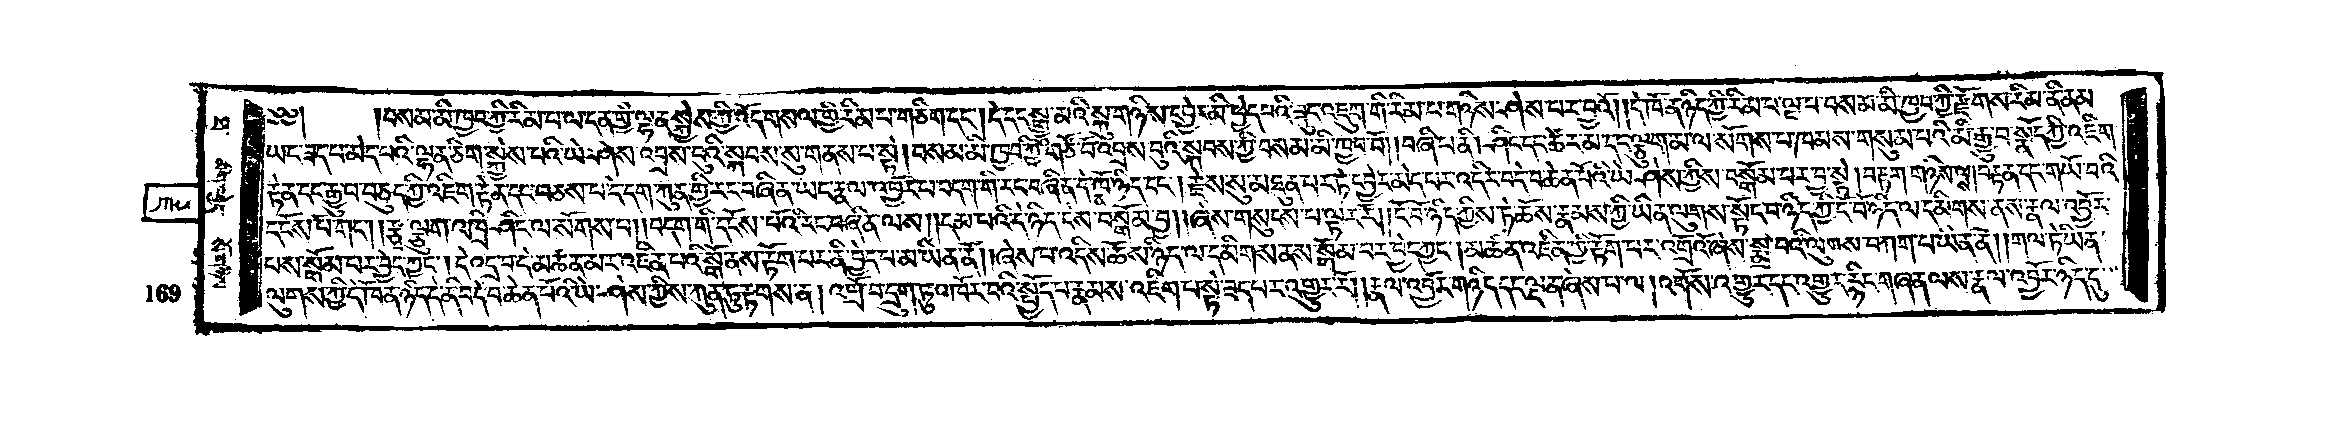༄༅། །བསམ་མི་ཁྱབ་ཀྱི་རིམ་པ་ལ་དན་གྱི་ལྷན་སྐྱེས་ཀྱི་འོད་གསལ་གྱི་རིམ་པ་གཅིག་དང་། དེ་དང་སྒྱུ་མའི་སྐུ་གཉིས་དབྱེར་མི་ཕྱེད་པའི་ཟུང་འཇུག་གི་རིམ་པ་གཉིས་ཤེས་པར་བྱའོ། །དེ་ཁོ་ན་ཉིད་ཀྱི་རིམ་པ་ལྔ་པ་བསམ་མི་ཁྱབ་ཀྱི་རྫོགས་རིམ་ནི་ནམ་
ཡང་ཟད་པ་མེད་པའི་ལྷན་ཅིག་སྐྱེས་པའི་ཡེ་ཤེས་འབྲས་བུའི་སྐབས་སུ་གནས་པ་སྟེ། བསམ་མི་ཁྱབ་ཀྱི་གཙོ་བོ་འབྲས་བུའི་སྐབས་ཀྱི་བསམ་མི་ཁྱབ་བོ། །བཞི་པ་ནི། ཤིང་དང་ཚེར་མ་དང་ལྕུག་མ་ལ་སོགས་པ་ཁམས་གསུམ་པའི་མི་རྒྱུ་བ་སྣོད་ཀྱི་འཇིག་
རྟེན་དང་རྒྱུ་བ་བཅུད་ཀྱི་འཇིག་རྟེན་དང་བཅས་པ་དེ་དག་ཀུན་གྱི་རང་བཞིན་ཡང་རྣལ་འབྱོར་པ་བདག་གི་རང་བཞིན་དེ་ཁོ་ན་ཉིད་དང་། རྗེས་སུ་མཐུན་པར་ཏེ་དབྱེར་མེད་པར་འདིར་བདེ་བ་ཆེན་པོའི་ཡེ་ཤེས་ཀྱིས་བསྒོམ་པར་བྱ་སྟེ། བརྟག་གཉིས་ལས། བརྟན་དང་གཡོ་བའི་
དངོས་པོ་གང་། །རྩྭ་ལྕུག་འཁྲི་ཤིང་ལ་སོགས་པ། །བདག་གི་དངོས་པོའི་རང་བཞིན་ལས། །དམ་པའི་དེ་ཉིད་ངེས་བསྒོམ་བྱ། །ཞེས་གསུངས་པ་ལྟར་རོ། །ངོ་བོ་ཉིད་ཀྱིས་ཏེ་ཆོས་རྣམས་ཀྱི་ཡིན་ལུགས་སྟོང་པ་ཉིད་ཀྱི་ངོ་བོ་ཉིད་ལ་དམིགས་ནས་རྣལ་འབྱོར་
པས་སྒོམ་པར་བྱེད་ཀྱང་། དེ་འདྲ་བ་དེ་མཚན་མར་འཛིན་པའི་སྒོ་ནས་རྟོག་པར་ནི་བྱེད་པ་མ་ཡིན་ནོ། །ཞེས་པ་འདིས་ཆོས་ཉིད་ལ་དམིགས་ནས་སྒོམ་པར་བྱེད་ཀྱང་། མཚན་འཛིན་གྱི་རྟོག་པར་འགྲོའི་ཞེས་སྨྲ་བའི་ལུགས་བཀག་པ་ཡིན་ནོ། །གལ་ཏེ་ཡིན་
ལུགས་ཀྱི་དེ་ཁོ་ན་ཉིད་དེ་ནི་བདེ་བ་ཆེན་པོའི་ཡེ་ཤེས་ཀྱིས་ཀུན་ཏུ་རྟགས་ན། འགྲོ་བ་དྲུག་ཏུ་འཁོར་བའི་སྤྱོད་པ་རྣམས་འཇིག་པ་སྟེ་ཟད་པར་འགྱུར་རོ། །རྣལ་འབྱོར་གཉིད་དང་ལྡན་ཞེས་པ་ལ། འགོས་འགྱུར་དང་འགྱུར་རྙིང་གཞན་ལས་རྣལ་འབྱོར་ཉིད་དུ་